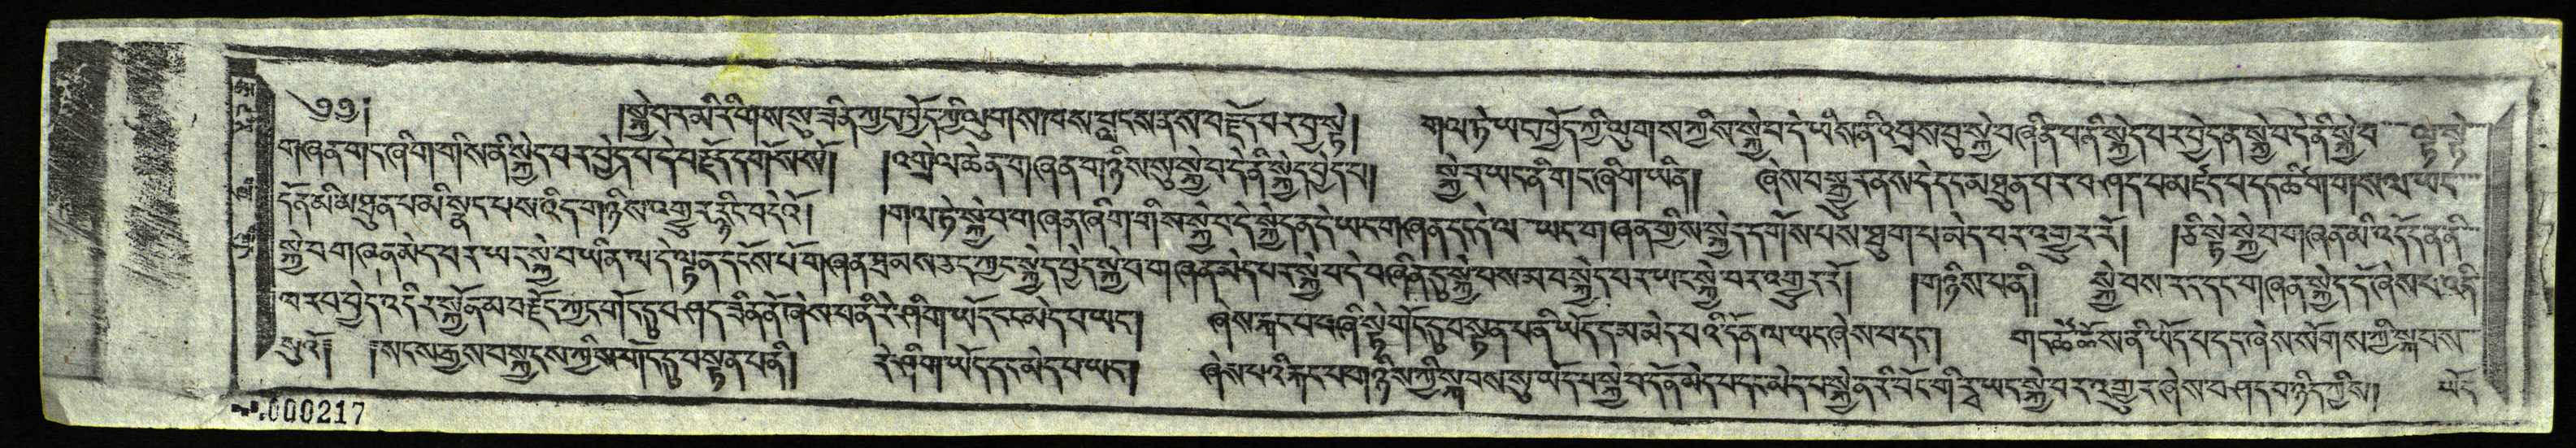༄༅། །སྐྱེ་བར་མི་རིགས་སུ་ཟིན་ཀྱང་ཁྱོད་ཀྱི་ལུགས་ཁས་བླངས་ནས་བརྗོད་བར་བྱ་སྟེ། གལ་ཏེ་ཡང་ཁྱོད་ཀྱི་ལུགས་ཀྱིས་སྐྱེ་བ་དེ་ཡིས་ནི་འབྲས་བུ་སྐྱེ་བཞིན་པ་ནི་སྐྱེད་པར་བྱེད་ན་སྐྱེ་བ་དེ་ནི་སྐྱེ་བ་ལྟ་སྟེ་
གཞན་གང་ཞིག་གིས་ནི་སྐྱེད་བར་བྱེད་པ་དེ་བརྗོད་དགོས་སོ། །འགྲེལ་ཆེན་གཞན་གཉིས་སུ་སྐྱེ་བ་དེ་ནི་སྐྱེད་བྱེད་པ། སྐྱེ་བ་ཡང་ནི་གང་ཞིག་ཡིན། ཞེས་བསྒྱུར་ནས་དེ་དང་མཐུན་པར་བཤད་པ་མཛད་པ་དང་ཚིག་གསལ་ཡང་
དོན་མི་མཐུན་པ་མི་སྣང་པས་འདི་གཉིས་འགྱུར་རྙིང་བདེའོ། །གལ་ཏེ་སྐྱེ་བ་གཞན་ཞིག་གིས་སྐྱེ་བ་དེ་སྐྱེད་ན་དེ་ཡང་གཞན་དང་དེ་ལ་ཡང་གཞན་གྱིས་སྐྱེད་དགོས་པས་ཐུག་པ་མེད་པར་འགྱུར་རོ། །ཅི་སྟེ་སྐྱེ་བ་གཞན་མི་འདོད་ན་ནི་
སྐྱེ་བ་གཞན་མེད་བར་ཡང་སྐྱེ་བ་ཡིན་ལ་དེ་ལྟ་ན་དངོས་པོ་གཞན་ཐམས་ཅད་ཀྱང་སྐྱེད་བྱེད་སྐྱེ་བ་གཞན་མེད་པར་སྐྱེ་བ་དེ་བཞིན་དུ་སྐྱེ་བ་སམ་བསྐྱེད་པར་ཡང་སྐྱེ་བར་འགྱུར་རོ། །གཉིས་པ་ནི། སྐྱེ་བས་རང་དང་གཞན་སྐྱེད་དོ་ཞེས་པ་འདི་
ལ་རབ་བྱེད་འདིར་སྐྱོན་མ་བརྗོད་ཀྱང་གོང་དུ་བཤད་ཟིན་ནོ་ཞེས་པ་ནི་རེ་ཤིག་ཡོད་དང་མེད་པ་ཡང་། ཞེས་རྐང་པ་བཞི་སྟེ་གོང་དུ་བསྟན་པ་ནི་ཡོད་དམ་མེད་པའི་དོན་ལ་ཡང་ཞེས་པ་དང་། གང་ཚེ་ཆོས་ནི་ཡོད་པ་དང་ཞེས་སོགས་ཀྱི་སྐབས་
སུའོ། །སངས་རྒྱས་བསྐྱངས་ཀྱིས་གོང་དུ་བསྟན་པ་ནི། རེ་ཤིག་ཡོད་དང་མེད་པ་ཡང་། ཞེས་པའི་རྐང་པ་གཉིས་ཀྱི་སྐབས་སུ་ཡོད་པ་སྐྱེ་བ་དོན་མེད་པ་དང་མེད་པ་སྐྱེན་རི་བོང་གི་རྭ་ཡང་སྐྱེ་བར་འགྱུར་ཞེས་བཤད་བ་ཉིད་ཀྱིས། ཡོད་